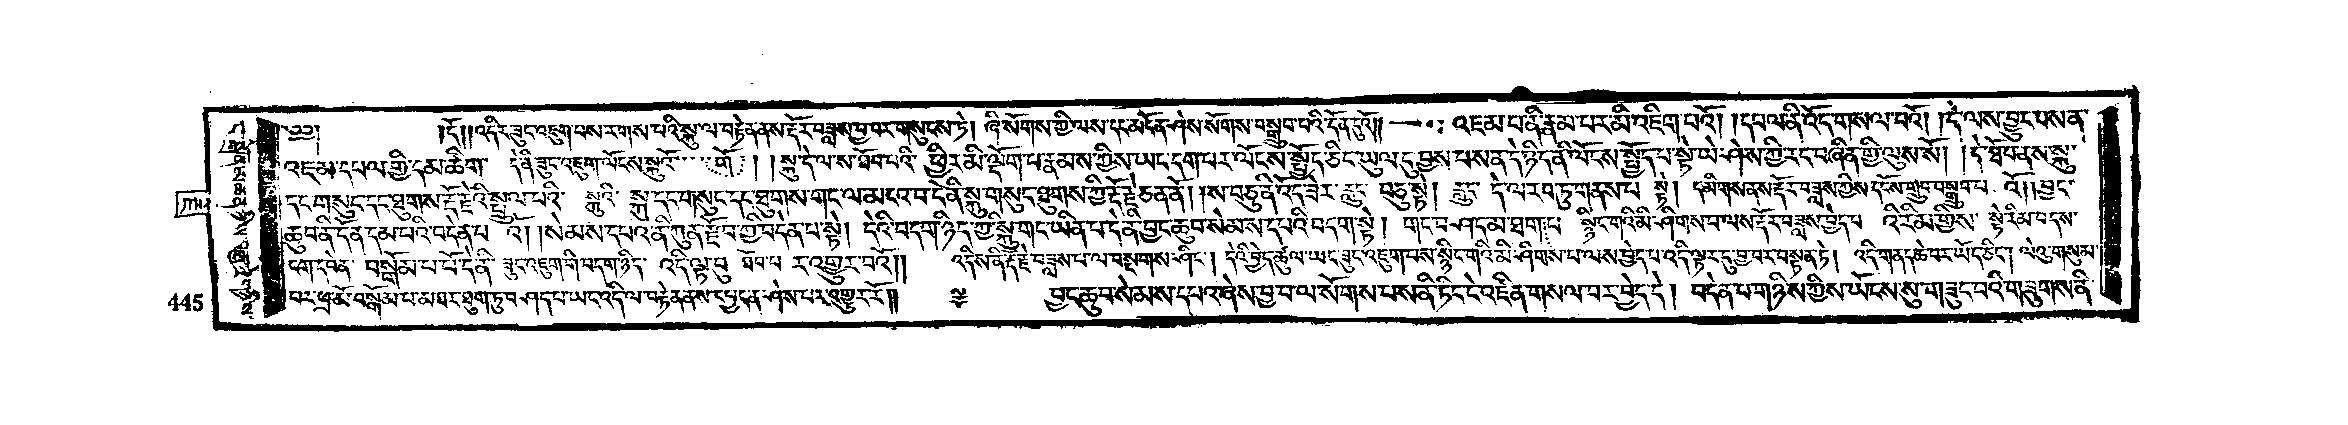༄༅། །དོ། །འདིར་ཟུང་འཇུག་པས་རགས་པའི་སྐུ་ལ་བརྟེན་ནས་རྡོར་བཟླས་བྱ་བར་གསུངས་ཏེ། ཞི་སོགས་ཀྱི་ལས་དང་མངོན་ཤེས་སོགས་བསྒྲུབ་པའི་དོན་དུའོ།། .H འཇམ་པ་ནི་རྣམ་པར་མི་འཇིག་པའོ། །དཔལ་ནི་འོད་གསལ་བའོ། །དེ་ལས་བྱུང་བས་ན་
འཇམ་དཔལ་གྱི་དམ་ཚིག་དེ་ནི་ཟུང་འཇུག་ལོངས་སྐུའོ་གོ། །སྐུ་དེ་ལ་ས་ཐོབ་པའི་ཕྱིར་མི་ལྡོག་པ་རྣམས་ཀྱིས་ཡང་དག་པར་ལོངས་སྤྱོད་ཅིང་ཡུལ་དུ་བྱས་པས་ན་དེ་ཉིད་ནི་ལོངས་སྤྱོད་པ་སྟེ་ཡེ་ཤེས་ཀྱི་རང་བཞིན་གྱི་ལུས་སོ། །དེ་ཐོབ་ནས་སྐུ་
དང་གསུང་དང་ཐུགས་རྡོ་རྗེའི་སྤྲུལ་པའི་སྐུའི་སྐུ་དང་གསུང་དང་ཐུགས་གང་ལ་མངའ་བ་དེ་ནི་སྐུ་གསུང་ཐུགས་ཀྱི་རྡོ་རྗེ་ཅན་ནོ། །ས་བཅུ་ནི་འོད་ཟེར་རླུང་བཅུ་སྟེ། རླུང་དེ་ལ་རབ་ཏུ་གནས་པ་སྟེ། དམིགས་ནས་རྡོར་བཟླས་ཀྱིས་དངོས་གྲུབ་བསྒྲུབ་པའོ། །བྱང་
ཆུབ་ནི་དོན་དམ་པའི་བདེན་པའོ། །སེམས་དཔའ་ནི་ཀུན་རྫོབ་ཀྱི་བདེན་པ་སྟེ། དེའི་བདག་ཉིད་ཀྱི་སྐུ་གང་ཡིན་པ་དེ་ནི་བྱང་ཆུབ་སེམས་དཔའི་བདག་སྟེ། གང་བཤད་མ་ཐག་པ་སྙིང་གའི་མི་ཤིགས་པ་ལས་རྡོར་བཟླས་བྱེད་པའི་རིམ་གྱིས་སྟེ་རིམ་བདེས་
ངག་དབེན་བསྒོམ་པ་པོ་དེ་ནི་ཟུང་འཇུག་གི་བདག་ཉིད་འདི་ལྟ་བུ་ཐོབ་པར་འགྱུར་བའོ།། འདིས་ནི་རྡོ་རྗེ་བཟླས་པ་ལ་བསྔགས་ཤིང་། དེའི་བྱེད་ཚུལ་ཡང་ཟུང་འཇུག་པས་སྙིང་གའི་མི་ཤིགས་པ་ལས་བྱེད་པ་འདི་ལྟར་དུ་བྱ་བར་བསྟན་ཏེ། འདི་གནད་ཆེ་བར་ཡོད་ཅིང་། ལེའུ་གསུམ་
པར་ཕྲ་མོ་བསྒོམ་པ་མཐར་ཐུག་ཏུ་བཤད་པ་ཡང་འདི་ལ་བརྟེན་ནས་དཔྱད་ན་ཤེས་པར་འགྱུར་རོ།། ༈ བྱང་ཆུབ་སེམས་དཔའ་ཞེས་བྱ་བ་ལ་སོགས་པས་ནི་ཏིང་ངེ་འཛིན་གསལ་བར་བྱེད་དེ། བདེན་པ་གཉིས་ཀྱིས་ཡོངས་སུ་གཟུང་བའི་གཟུགས་ནི་